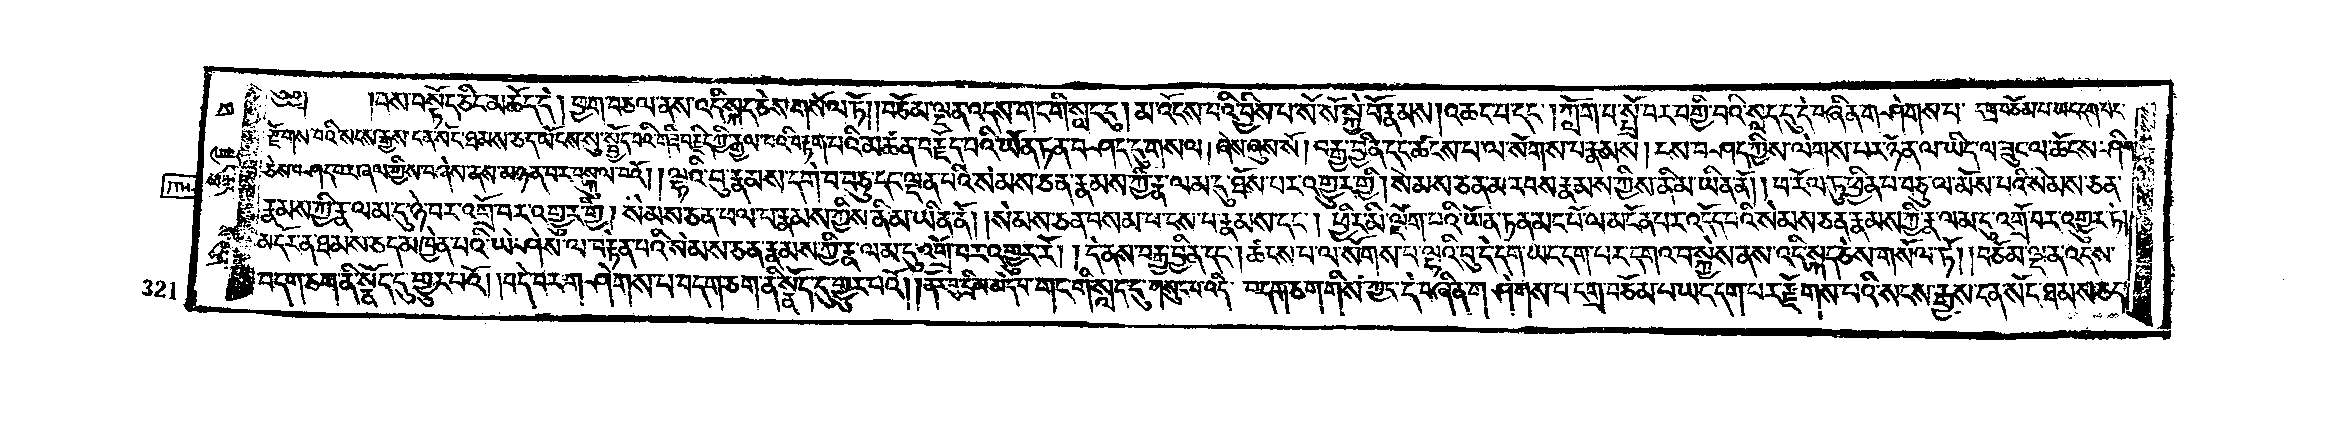༄༅། །བས་བསྟོད་ཅིང་མཆོད་དེ། ཕྱག་བཙལ་ནས་འདི་སྐད་ཅེས་གསོལ་ཏོ། །བཅོམ་ལྡན་འདས་གང་གི་སླད་དུ། མ་འོངས་པའི་བྱིས་པ་སོ་སོ་སྐྱེ་བོ་རྣམས། འཆང་བ་དང་། ཀླེག་པ་སྤྲོ་བར་བགྱི་བའི་སླད་དུ་དེ་བཞིན་གཤེགས་པ་དགྲ་བཅོམ་པ་ཡང་དག་པར་
རྫོགས་པའི་སངས་རྒྱས་ངན་སོང་ཐམས་ཅད་ཡོངས་སུ་སྤྱོད་པའི་གཟི་བརྗིད་ཀྱི་རྒྱལ་བའི་བརྟག་པའི་མཚན་བརྗོད་པའི་ཡོན་ཏན་བཤད་དུ་གསལ། ཞེས་ཞུས་ས།  བརྒྱ་བྱིན་དང་ཚངས་པ་ལ་སོགས་པ་རྣམས། ངས་བཤད་ཀྱིས་ལེགས་པར་ཉོན་ལ་ཡིད་ལ་ཟུང་ལ་ཆོངས་ཤིག་
ཅེས་བཤད་པར་ཞལ་གྱིས་བཞེས་ནས་མཉན་པར་བསྐུལ་བའོ།  །ལྷའི་བུ་རྣམས་དགེ་བ་བཅུ་དང་ལྡན་པའི་སེམས་ཅན་རྣམས་ཀྱི་རྣ་ལམ་དུ་ཐོས་པར་འགྱུར་གྱི། སེམས་ཅན་མ་རབས་རྣམས་ཀྱིས་ནི་མ་ཡིན་ནོ། །ཕ་རོལ་ཏུ་ཕྱིན་པ་བཅུ་ལ་མོས་པའི་སེམས་ཅན་
རྣམས་ཀྱི་རྣ་ལམ་དུ་ཉེ་བར་འགྲོ་བར་འགྱུར་གྱི། སེམས་ཅན་ཕལ་པ་རྣམས་ཀྱིས་ནི་མ་ཡིན་ནོ། །སེམས་ཅན་བསམ་པ་ངས་པ་རྣམས་དང་། ཕྱིར་མི་ལྡོག་པའི་ཡོན་ཏན་མང་པོ་ལ་མངོན་པར་འདོད་པའི་སེམས་ཅན་རྣམས་ཀྱི་རྣ་ལམ་དུ་འགྲོ་བར་འགྱུར་ཏེ།
མདོར་ན་ཐམས་ཅད་མཁྱེན་པའི་ཡེ་ཤེས་ལ་བརྟེན་པའི་སེམས་ཅན་རྣམས་ཀྱི་རྣ་ལམ་དུ་འགྲོ་བར་འགྱུར་རོ། །དེ་ནས་བརྒྱ་བྱིན་དང་། ཚངས་པ་ལ་སོགས་པ་ལྷའི་བུ་དེ་དག་ཡང་དག་པར་དགའ་བ་སྐྱེས་ནས་འདི་སྐད་ཅེས་གསོལ་ཏོ། །བཅོམ་ལྡན་འདས་
བདག་ཅག་ནི་སྣོད་དུ་གྱུར་པའོ། །བདེ་བར་གཤེགས་པ་བདག་ཅག་ནི་སྡོད་དུ་གྱུར་པའོ། །ནོར་བུ་དྲི་མ་མེད་པ་གང་གི་སླད་དུ་གསུང་བ་འདི་བདག་ཅག་གིས་ཀྱང་དེ་བཞིན་གཤེགས་པ་དགྲ་བཅོམ་པ་ཡང་དག་པར་རྫོགས་པའི་སངས་རྒྱས་ངན་སོང་ཐམས་ཅད་